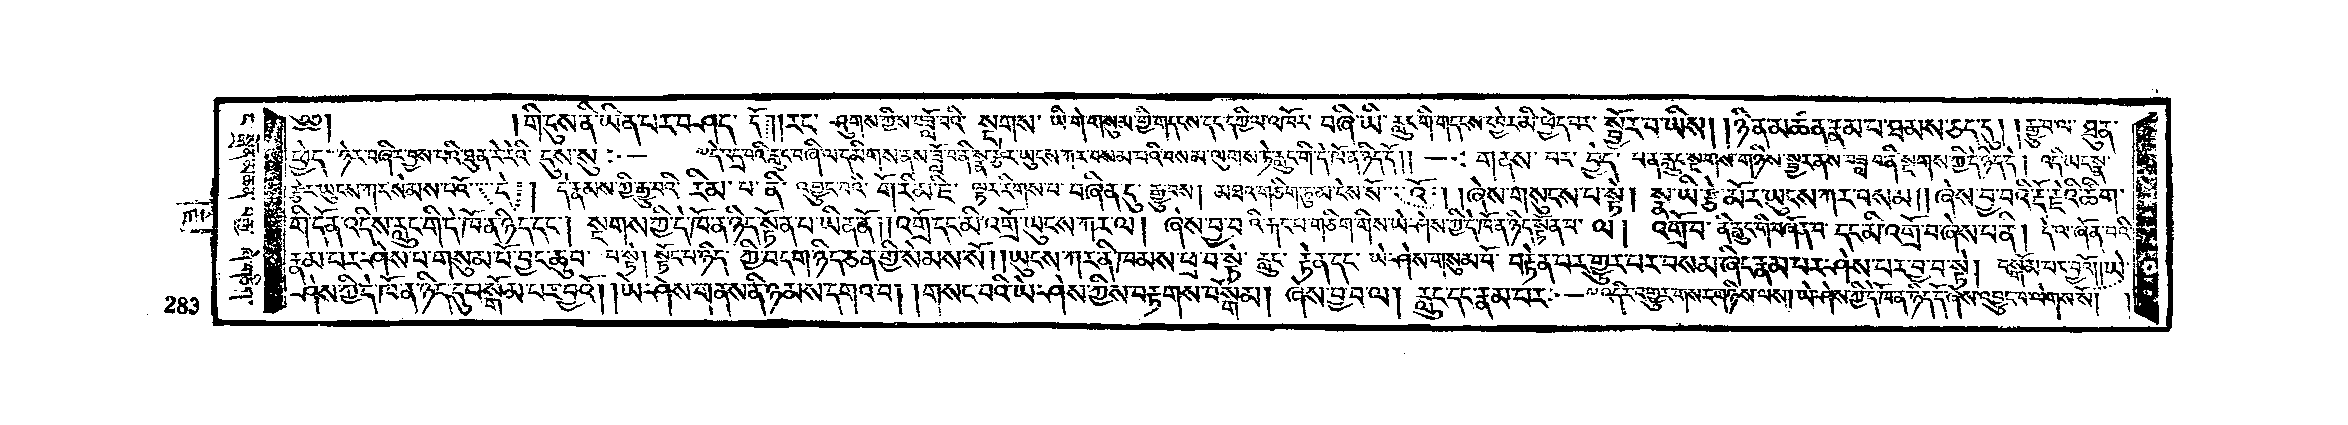༄༅། །གི་དུས་ནི་ཡིན་པར་བཤད་དོ། །རང་ཤུགས་ཀྱིས་བཟློ་བའི་སྔགས་ཡི་གེ་གསུམ་གྱི་གདངས་དང་དཀྱིལ་འཁོར་བཞི་ཡི་རླུང་གི་གདངས་དབྱེར་མི་ཕྱེད་པར་སྦྱོར་བ་ཡིས། །ཉིན་མཚན་རྣམ་པ་ཐམས་ཅད་དུ། ། རྒྱུ་བ་ལ་ཐུན་
ཕྱེད་ཉེར་བཞིར་བྱས་པའི་ཐུན་རེ་རེའི་དུས་སུཿ་༧དེ་འདྲ་བའི་རླུང་བཞི་ལ་དམིགས་ནས་ཟློ་བ་ནི་སྣ་རྩེར་ཡུངས་ཀར་བསམ་པའི་བསམ་ལུགས་ཏེ་རླུང་གི་དེ་ཁོ་ན་ཉིད་དོ།། .Hགནས་པར་བྱེད་པ་ན་རླུང་སྔགས་གཉིས་སྦྱར་ནས་བཟླ་བ་ནི་སྔགས་ཀྱི་དེ་ཉིད་དེ། འདི་ཡང་སྣ་
རྩེར་ཡུངས་ཀར་སེམས་པའོ་དེ། དེ་རྣམས་ཀྱི་རྒྱུ་བའི་རིམ་པ་ནི་འབྱུང་བའི་གོ་རིམ་ཇི་ལྟར་རིགས་པ་བཞིན་དུ་རྒྱུ་བས། མཐའ་གཅིག་ཏུ་མ་ངེས་སོ་འོ། །ཞེས་གསུངས་པ་སྟེ། སྣ་ཡི་རྩེ་མོར་ཡུངས་ཀར་བསམ། །ཞེས་བྱ་བའི་རྡོ་རྗེའི་ཚིག་
གི་དོན་འདིས་རླུང་གི་དེ་ཁོ་ན་ཉིད་དང་། སྔགས་ཀྱི་དེ་ཁོ་ན་ཉིད་སྟོན་པ་ཡིན་ནོ། །འགྲོ་དང་མི་འགྲོ་ཡུངས་ཀར་ལ། ཞེས་བྱ་བའི་རྐང་པ་གཅིག་གིས་ཡེ་ཤེས་ཀྱི་དེ་ཁོ་ན་ཉིད་སྟོན་པ་ལ། འགྲོ་བ་ནི་རླུང་གི་བཞོན་པ་དང་མི་འགྲོ་བ་ཞེས་པ་ནི། དེ་ལ་ཞོན་བའི
རྣམ་པར་ཤེས་པ་གསུམ་པོ་བྱང་ཆུབ་པ་སྟེ། སྟོང་པ་ཉིད་ཀྱི་བདག་ཉིད་ཅན་གྱི་སེམས་སོ། །ཡུངས་ཀར་ནི་ཁམས་ཕྲ་བ་སྟེ་རླུང་རྟེན་དང་ཡེ་ཤེས་གསུམ་པོ་བརྟེན་པར་གྱུར་པར་བསམ་ཞིང་རྣམ་པར་ཤེས་པར་བྱ་བ་སྟེ། བསྒོམ་པར་བྱའོ། །ཡེ་ཤེས་ཀྱི་དེ་ཁོ་ན་ཉིད་དུ་བསྒོམ་པར་བྱའོ། །ཡེ་ཤེས་གནས་ནི་ཉམས་དགའ་བ། །གསང་བའི་ཡེ་ཤེས་ཀྱིས་བརྟགས་བསྒོམ། ཞེས་བྱ་བ་ལ། རླུང་དང་རྣམ་པར་H.་༧འདིར་འགྱུར་གསར་གཉིས་ལས། ཡེ་ཤེས་ཀྱི་དེ་ཁོ་ན་ཉིད་དོ་ཞེས་འབྱུང་བ་ལེགས་སོ། །